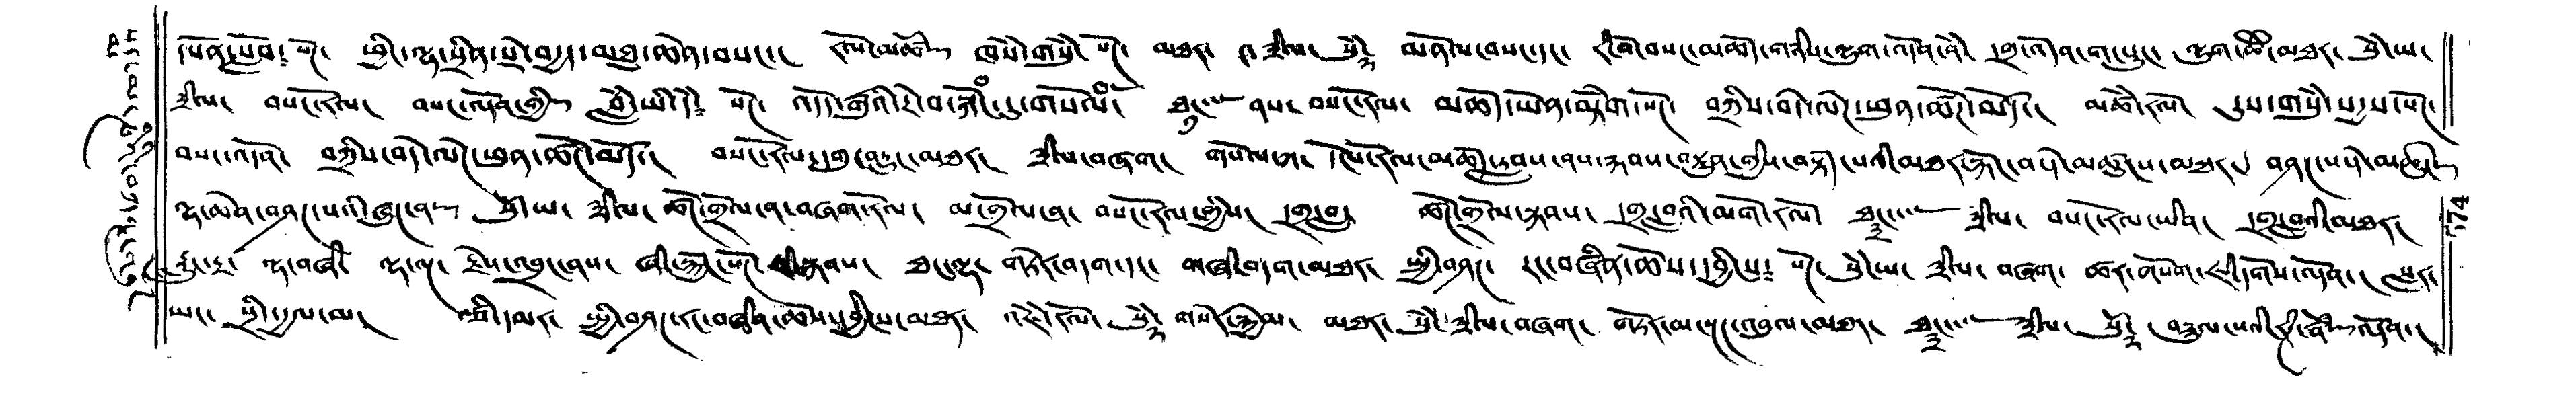དཔོན་སློབ༴ སོགས། ཕྱི་ནང་ལྷ་སྲིན་སྡེ་བརྒྱད་མཐུ་ཆེན་བསང་། རོལ་མཚམས། ཁམས་གསུམ༴ སོགས། མཐར། ཟིལ། སུམ་གཉིས། མནོལ་བསང་། རི་བོ་བསང་མཆོད་གཉིས་ལྷུག་འདོན་ནམ། དགྲ་འདོན་གང་རུང་། ལྷུག་ཚེ་མཐར། སུམ་ཡ་
ཟིལ། བསང་རོལ། བསང་འདོན་གྱིས། བླ་མ་ཡི་དམ༴ སོགས། འདོད་རྒུའི་རེ་བ་སྐོང་དུ་གསོལ། ཐང་གཅིག ནས། བསང་རོལ། མཆོད་ཡོན་མེ་ཏོག༴ སོགས། བཀྲ་ཤིས་བདེ་ལེགས་ཕུན་ཚོགས་མཛོད། མཚམ་རོལ། དུས་གསུམ་སངས་རྒྱས༴ སོགས། 
བསང་འདོན། བཀྲ་ཤིས་བདེ་ལེགས་ཕུན་ཚོགས་མཛོད། བསང་རོལ་དགུ་རྡུང་མཐར། ཟིལ། བཞགགསོལ་ཀ དངོས་རོལ་མཆོད་རླབས་ནས་སྐབས་བསྟུན་གྱིས་བསྟོད་པའི་མཐར་སྐོང་བ་དེ་མཚུངས་མཐར། བཤགས་པ་དེ་མཚུངས། 
ལྷ་ཆེན་བཤགས་པའི་མཇུག་ནས། སུམ་ཡ། ཟིལ། ཚོགས་གྲོལ་ན་བཞག་རོལ། མ་གྲོལ་ན་བསང་རོལ་གྱིས། དགྲ་བླ། ཚོགས་གྲོལ་སྐབས། དགྲ་བླའི་མགོ་རོལ། ཐང་གསུམ། ཟིལ། བསང་རོལ་ཡིན། དགྲ་བླའི་མཐར། 
རླུང་རྟ། ལྷ་བཞི། ལྷ་ལྔ། རྗེས་འབྲང་ནས། ཞིང་སྐྱོང་སོགས་སྐབས་བསྟུན། ཐང་ལྷ། གཏེར་བདག་དང་། གཞི་བདག་མཐར། སྤྱི་བཤགས། རང་བཞིན་ཆོས་དབྱིངས༴ སོགས། སུམ་ཡ། ཟིལ། བཞག ཚར་གསོག་ཇི་དགོས་འདོན། སླར་
ཡང་། སྲིད་རྒྱལ་མ། རྩི་དམར། སྤྱི་བཤགས་རང་བཞིན་ཆོས་དབྱིངས་མཐར། འཇམ་རོལ། སུམ་གཉིས། གསེར་སྐྱེམས། མཐར། སུམ། ཟིལ། བཞག གཏོར་མ་སྔགས་འབུལ་མཐར། ཐང་གསུམ། ཟིལ། སུམ་གཉིས། བསྐུལ་པའི་རིགས་རྣམས་འདོན།